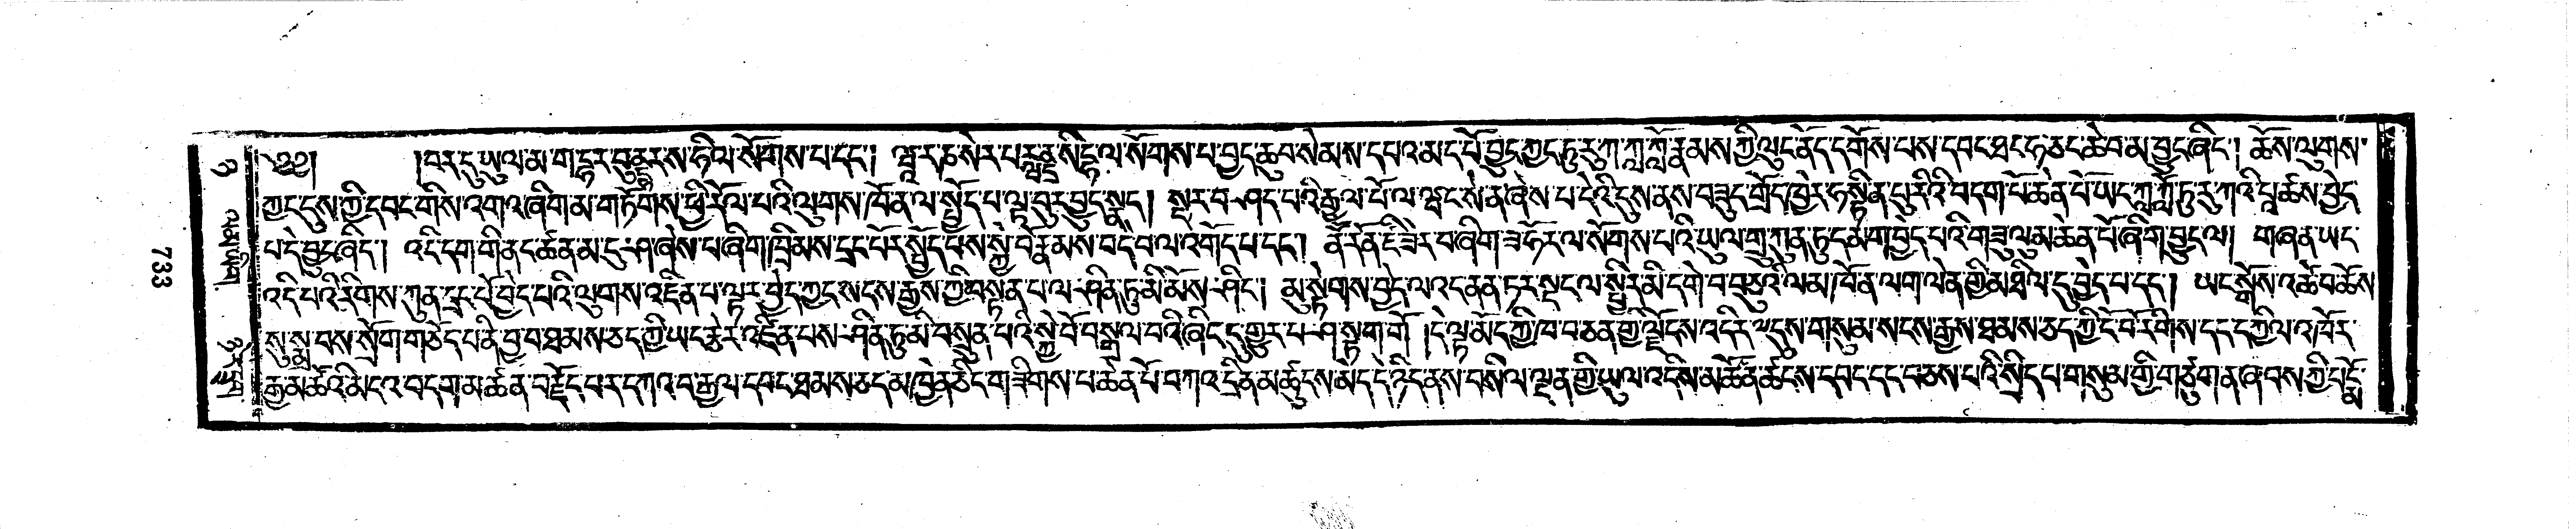༄༅། །བར་དུ་ཡུལ་མ་ག་དྷ་ར་བུནྡྷར་ས་ཧི་ལ་སོགས་པ་དང་། ཝཱ་ར་ཎ་སེར་པརྭ་ནྡྲ་སིདྷ་ལ་སོགས་པ་བྱང་ཆུབ་སེམས་དཔའ་མང་པོ་བྱུང་ཀྱང་ཏུ་རུ་ཀ་ཀླ་ཀློ་རྣམས་ཀྱི་ལུང་ནོད་དགོས་པས་དབང་ཐང་ཧ་ཅང་ཆེ་བ་མ་བྱུང་ཞིང་། ཆོས་ལུགས་
ཀྱང་དུས་ཀྱི་དབང་གིས་འགའ་ཞིག་མ་གཏོགས་ཕྱི་རོལ་པའི་ལུགས་ཁོ་ན་ལ་སྤྱོད་པ་ལྟ་བུར་བྱུང་སྣད། སྔར་བཤད་པའི་རྒྱལ་པོ་ལ་ཝང?་སེ་ན་ཞེས་པ་དེའི་དུས་ནས་བཟུང་གྲོང་ཁྱེར་ཧ་སྟི་ན་པུ་རིའི་བདག་པོ་ཆེན་པོ་ཡང་ཀླ་ཀློ་ཏུ་རུ་ཀའི་པཱ་ཚས་བྱེད་
པ་དེ་བྱུང་ཞིད། འདི་དག་གི་ནང་ཚན་མ་དུ་ཤ་ཞེས་པ་ཞིག་ཁྲིམས་དྲང་པོར་སྤྱོད་པས་སྐྱེ་བོ་རྣམས་བདེ་བ་ལ་འགོད་པ་དང་། ནོ་རོན་ཛི་ཟེར་བ་ཞིག་ཟ་ཧོར་ལ་སོགས་པའི་ཡུལ་གྲུ་ཀུན་ཏུ་དམག་བྱེད་པའི་གཟུ་ལུམ་ཆེན་པོ་ཞིག་བྱུང་ལ། གཞན་ཡང་
འདི་པའི་རིགས་ཀུན་དྲང་པོ་བྱེད་པའི་ལུགས་འཛིན་པ་ལྟར་བྱེད་ཀྱང་སངས་རྒྱས་ཀྱི་བསྟན་པ་ལ་ཤིན་ཏུ་མི་མོས་ཤིང་། མུ་སྟེགས་བྱེད་ལའང་ནན་ཏར་སྡང་ལ་སྤྱིར་མི་དགེ་བ་བཅུའི་ལམ་ཁོ་ན་ལག་ལེན་གྱི་མཐིལ་དུ་བྱེད་པ་དང་། ཡང་སྒོས་འཚེ་བ་ཆོས་
སུ་སྨྲ་བས་སྲོག་གཅོད་པ་ནི་བྱ་བ་ཐམས་ཅད་ཀྱི་ཡང་རྩེར་འཛིན་པས་ཤིན་ཏུ་མི་བསྲུན་པའི་སྐྱེ་བོ་བསྒྲལ་བའི་ཞིང་དུ་གྱུར་པ་ཤ་སྟག་གོ །དེ་ལྟ་མོད་ཀྱི་ཁ་བ་ཅན་གྱི་ལྗོངས་འདིར ༧དུས་གསུམ་སངས་རྒྱས་ཐམས་ཅད་ཀྱི་ངོ་བོ་རིགས་དང་དཀྱིལ་འཁོར་
རྒྱ་མཚོའི་མངའ་བདག་མཚན་བརྗོད་པར་དཀའ་བ་རྒྱལ་དབང་ཐམས་ཅད་མཁྱེན་ཅིང་གཟིགས་པ་ཆེན་པོ་བཀའ་དྲིན་མཚུངས་མེད་དེ་ཉིད་ནས་བསིལ་ལྡན་གྱི་ཡུལ་འདིས་མཚོན་ཚངས་དབང་དང་བཅས་པའི་སྲིད་པ་གསུམ་གྱི་གཙུག་ན་ཞབས་ཀྱི་པདམོ་